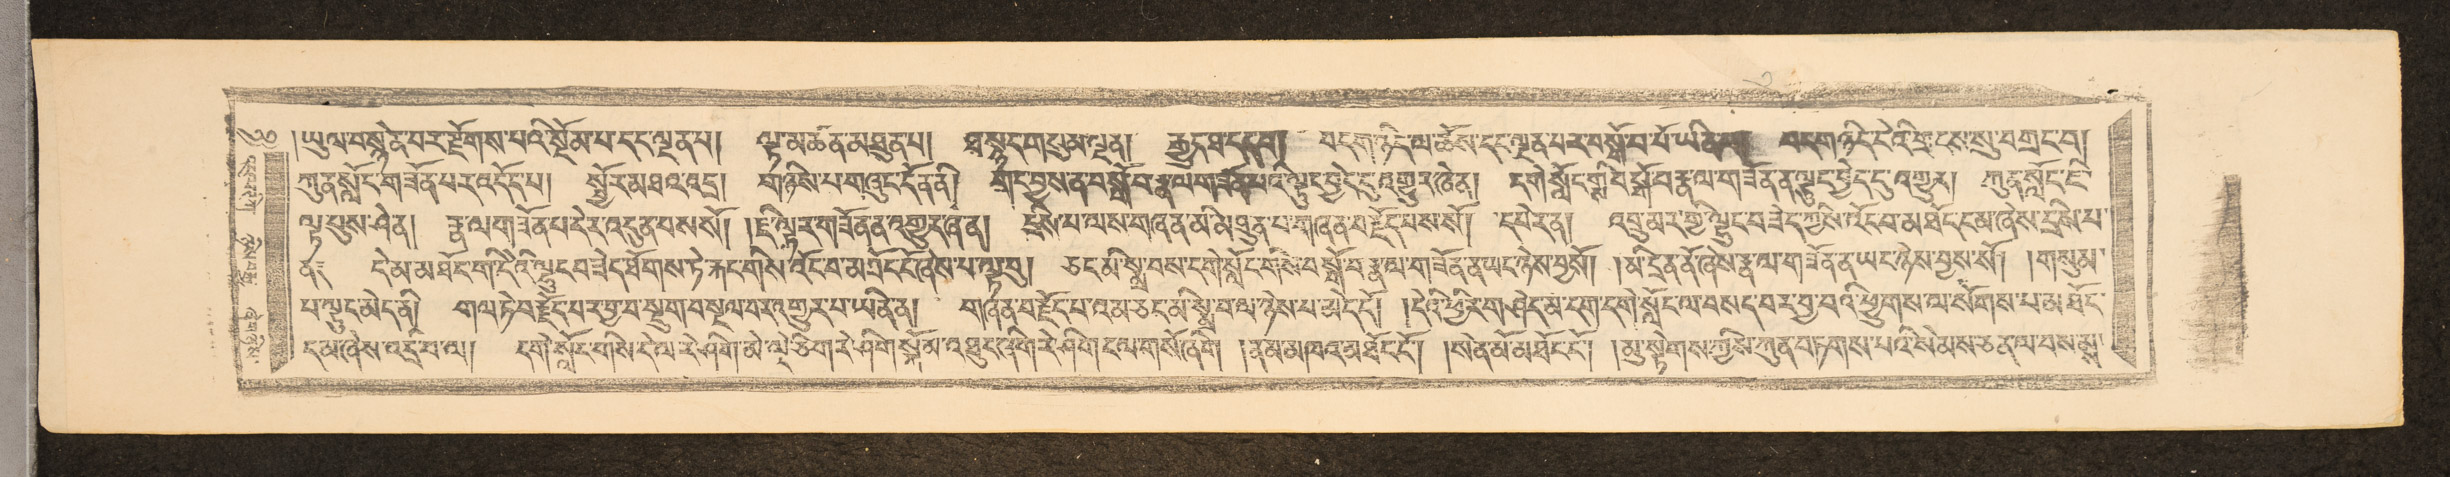༄༅། །ཡུལ་བསྙེན་པར་རྫོགས་པའི་སྔོམ་པ་དང་ལྡན་པ། ལྟ་མཚན་མཐུན་པ། ཐ་སྙད་གསུམ་ལྡན། རྒྱུད་ཐ་དད་པ། བདག་ཉིད་ལ་ཆོས་དང་ལྡན་པར་བསྒོ་བ་པོ་ཡིན་པ། བདག་ཉིད་དེའི་གྲངས་སུ་བགྲང་བ།
ཀུན་སློང་གཟོན་པར་འདོད་པ། སྦྱོར་མཐའ་འདྲ། གཉིས་པ་གཞུང་དོན་ནི། གང་བྱས་ན་བསྒོ་བ་རྣ་ལ་གཟོན་པའི་ལྟུང་བྱེད་དུ་འགྱུར་ཞེ་ན། དགེ་སློང་གིས་བསྒོ་བ་རྣ་ལ་གཟོན་ན་ལྟུང་བྱེད་དུ་འགྱུར། ཀུན་སློང་ཇི་
ལྟ་བུས་ཤེ་ན། རྣ་ལ་གཟོན་པ་དེར་འདུན་པས་སོ། །ཇི་ལྟར་གཟོན་ན་འགྱུར་ཞེ་ན། དྲིས་པ་ལས་གཞན་མི་མཐུན་པ་གཞན་བརྗོད་པས་སོ། །དཔེར་ན། འབྲུ་མར་གྱི་ལྷུང་བཟེད་ཀྱིས་འོད་བ་མཐོད་ངམ་ཞེས་དྲིས་པ་
ན༑ དེ་མ་མཐོང་གི་དེའི་ལྟུང་བཟེད་ཐོགས་ཏེ་རྐང་གིས་འོང་བ་མཐོང་ངོ་ཞེས་པ་ལྟ་བུ། ཅང་མི་སྨྲ་བས་དགེ་སློང་གིས་བསྒོ་བ་རྣལ་གཟོན་ན་ཡང་ཉེས་བྱ་སོ། །མི་དྲན་ནོ་ཞེས་རྣལ་གཟོན་ན་ཡང་ཉེས་བྱས་སོ། །གསུམ་
པ་ལྟུང་མེད་ནི། གལ་ཏེ་བརྗོད་པར་བྱ་བ་སྡུག་བསྔལ་བར་འགྱུར་པ་ཡིན་ན། གཞན་བརྗོད་པ་འམ་ཅང་མི་སྨྲ་བ་ལ་ཉེས་པ་མེད་དོ། །དེའི་ཕྱིར་གཤེད་མ་དག་དགེ་སློང་ལ་བསད་པར་བྱ་བའི་ཕྱུགས་ལ་སོགས་པ་མཐོང་
ངམ་ཞེས་འདྲི་བ་ལ། དགེ་སློང་གིས་དེ་ལ་རེ་ཤིག་མེ་ལྡེ་ཅིག་རེ་ཤིག་སྐོམ་འཐུང་ཞིག་རེ་ཤིག་ངལ་གསོ་ཞིག །ནམ་མཁའ་མཐོང་ངོ། །སེན་མོ་མཐོང་ངོ། །མུ་སྟེགས་ཀྱིས་ཀུན་བཏགས་པའི་སེམས་ཅན་ལ་བསམས་